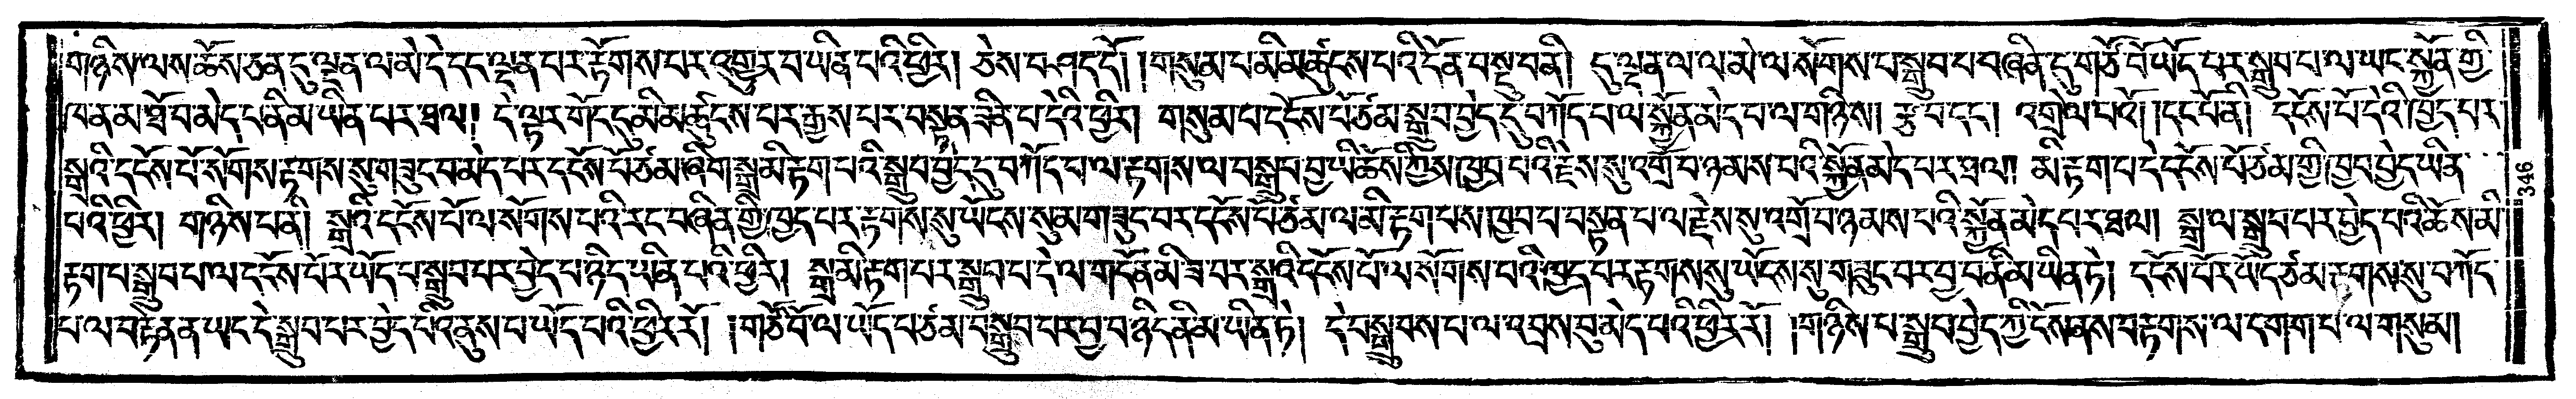གཉིས་ལས་ཆོས་ཅན་དུ་ལྡན་ལ་མེ་དེ་དང་ལྡན་པར་རྟོགས་པར་འགྱུར་བ་ཡིན་པའི་ཕྱིར། ཅེས་བཤད་དོ། །གསུམ་པ་མི་མཚུངས་པའི་དོན་བསྡུ་བ་ནི། དུ་ལྡན་ལ་ལ་མེ་ལ་སོགས་པ་སྒྲུབ་པ་བཞིན་དུ་གཙོ་བོ་ཡོད་པར་སྒྲུབ་པ་ལ་ཡང་སྐྱོན་གྱི་
ཁ་ན་མ་ཐོ་བ་མེད་པ་ནི་མ་ཡིན་པར་ཐལ། དེ་ལྟར་གོང་དུ་མི་མཚུངས་པར་རྒྱས་པར་བསྟན་ཟིན་པ་དེའི་ཕྱིར། གསུམ་པ་དངོས་པོ་ཙམ་སྒྲུབ་བྱེད་དུ་བཀོད་པ་ལ་སྐྱོན་མེད་པ་ལ་གཉིས། རྩ་བ་དང་། འགྲེལ་པའོ། །དང་པོ་ནི། དངོས་པོ་དེའི་ཁྱད་པར་
སྒྲའི་དངོས་པོ་སོགས་རྟགས་སུ་གཟུང་བ་མེད་པར་དངོས་པོ་ཙམ་ཞིག་སྒྲ་མི་རྟག་པའི་སྒྲུབ་བྱེད་དུ་བཀོད་པ་ལ་རྟགས་ལ་བསྒྲུབ་བྱ་ཡི་ཆོས་ཀྱིས་ཁྱབ་པའི་རྗེས་སུ་འགྲོ་བ་ཉམས་པའི་སྐྱོན་མེད་པར་ཐལ། མི་རྟག་པ་དེ་དངོས་པོ་ཙམ་གྱི་ཁྱབ་བྱེད་ཡིན་
པའི་ཕྱིར། གཉིས་པ་ནི། སྒྲའི་དངོས་པོ་ལ་སོགས་པའི་རང་བཞིན་གྱི་ཁྱད་པར་རྟགས་སུ་ཡོངས་སུ་མ་གཟུང་བར་དངོས་པོ་ཙམ་ལ་མི་རྟག་པས་ཁྱབ་པ་བསྟན་པ་ལ་རྗེས་སུ་འགྲོ་བ་ཉམས་པའི་སྐྱོན་མེད་པར་ཐལ། སྒྲ་ལ་སྒྲུབ་པར་བྱེད་པའི་ཆོས་མི་
རྟག་པ་སྒྲུབ་པ་ལ་དངོས་པོར་ཡོད་པ་སྒྲུབ་པར་བྱེད་པ་ཉིད་ཡིན་པའི་ཕྱིར། སྒྲ་མི་རྟག་པར་སྒྲུབ་པ་དེ་ལ་གདོན་མི་ཟ་བར་སྒྲའི་དངོས་པོ་ལ་སོགས་པའི་ཁྱད་པར་རྟགས་སུ་ཡོངས་སུ་གཟུང་བར་བྱ་བ་ནི་མ་ཡིན་ཏེ། དངོས་པོར་ཡོད་ཙམ་རྟགས་སུ་བཀོད་
པ་ལ་བརྟེན་ན་ཡང་དེ་སྒྲུབ་པར་བྱེད་པའི་ནུས་པ་ཡོད་པའི་ཕྱིར་རོ། །གཙོ་བོ་ལ་ཡོད་པ་ཙམ་བསྒྲུབ་པར་བྱ་བ་ཉིད་ནི་མ་ཡིན་ཏེ། དེ་བསྒྲུབ་པ་ལ་འབྲས་བུ་མེད་པའི་ཕྱིར་རོ། །གཉིས་པ་སྒྲུབ་བྱེད་ཀྱི་ངོས་ནས་བརྟགས་ལ་དགག་པ་ལ་གསུམ།